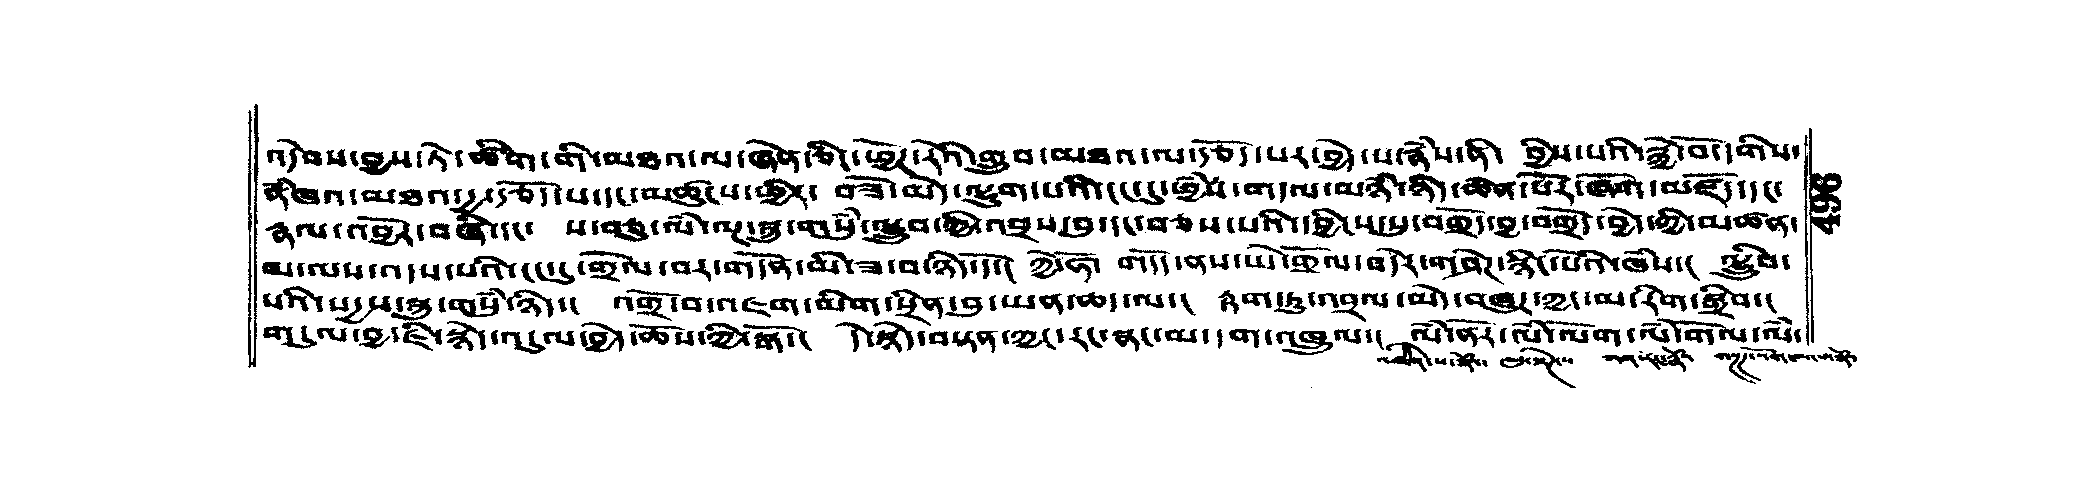འདེས་བྱ་ཏེ་ཚིག་གི་མཐའ་ལ་ཞེན་ཅིང་ཕྱོགས་རེའི་གྲུབ་མཐའ་ལ་རྩོད་པར་བྱེད་པ་རྣམས་ནི། བྱིས་པའི་སྐྱེ་བོ་དག་གིས་
ནམ་མཁའ་མཐའ་རྒྱས་རྩོད་པ་དང་མཚུངས་ཕྱིར། བཟོ་མེད་ལྷུག་པའི་དང་དུ་ཕྱམས་གདལ་མཉམ་ཉིད་ཆེན་པོར་ཞོག་མཛོད་དང་། 
རྣལ་འབྱོར་བཞི་དང་། ས་བཅུ་ལམ་ལྔ་སྐུ་གསུམ་ལྷུན་གྲུབ་ཀྱི་འབྲས་བུ་དང་བཅས་པའི་དབྱིངས་སུ་བགྲོད་བྱ་བགྲོད་བྱེད་ཀྱི་མཚན་
མ་ལས་འདས་པའི་ངང་དུ་གྲོལ་བར་གདོན་མི་ཟ་བ་ཉིད་དོ། ཀྱེ་ཧོ། གདོད་ནས་ཡེ་གྲོལ་བདེ་གཤེགས་སྙིང་པོའི་ཁམས། །ལྷུན་གྱིས་གྲུབ་
པའི་སངས་རྒྱས་སྐུ་གསུམ་ཉིད། །འགྲོ་བ་འཇག་མིག་སྲིན་བུ་ཡན་ཆད་ལ། །རྟག་ཏུ་འབྲལ་མེད་བཞུགས་ཀྱང་མ་རིག་སྒྲིབ། །
གདུལ་བྱ་ཇི་སྙེད་འདུལ་བྱེད་ཆོས་ཀྱི་སྒོ། དེ་སྙེད་བསྟན་ཀྱང་རང་སྣང་མ་དག་འཁྲུལ། །ལམ་ནོར་ལམ་ལོག་ལམ་གོལ་ལམ་